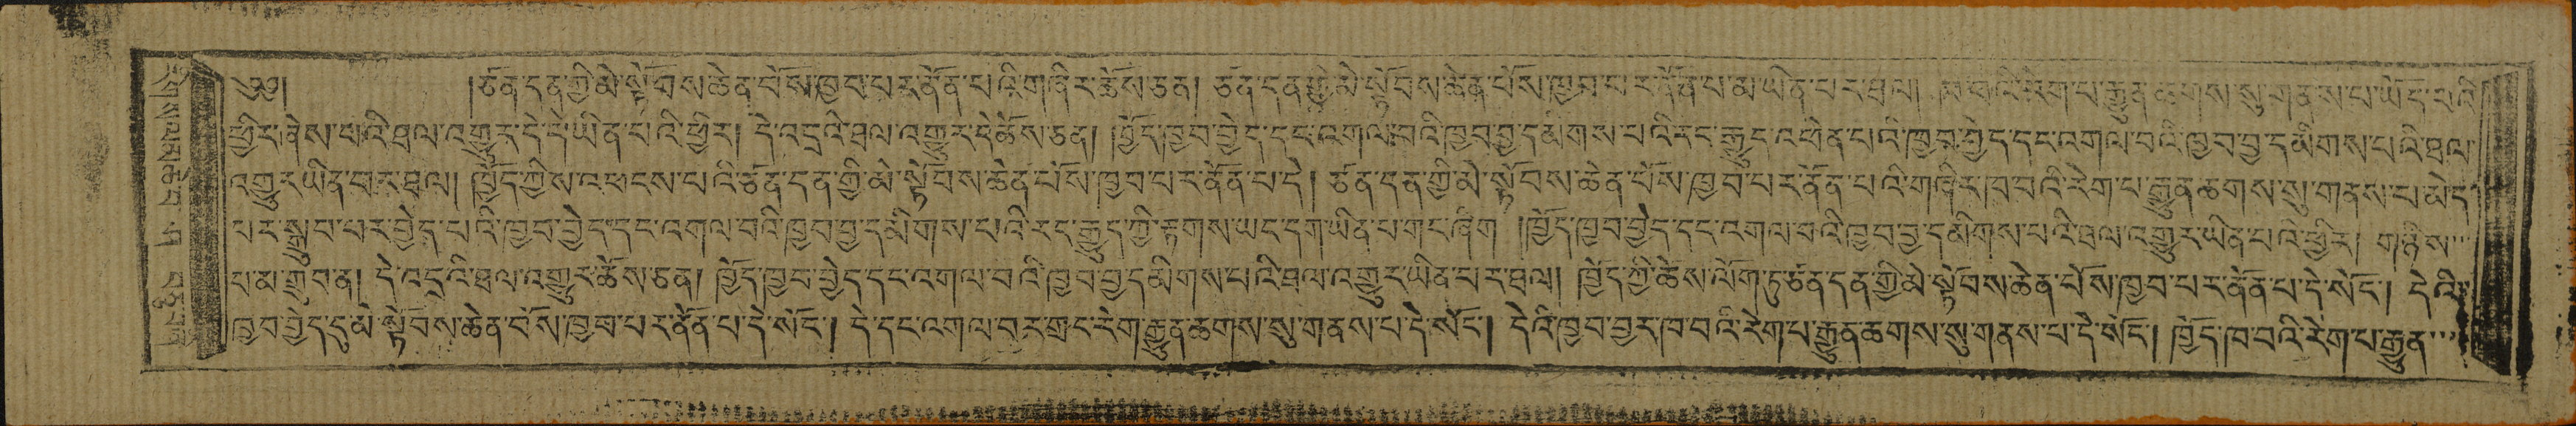༄༅། །ཙན་དན་གྱི་མེ་སྟོབས་ཆེན་པོས་ཁྱབ་པར་ནོན་པའི་གཞིར་ཆོས་ཅན། ཙན་དན་གྱི་མེ་སྟོབས་ཆེན་པོས་ཁྱབ་པར་ནོན་པ་མ་ཡིན་པར་ཐལ། ཁ་བའི་རེག་པ་རྒྱུན་ཆགས་སུ་གནས་པ་ཡོད་པའི་
ཕྱིར་ཞེས་པའི་ཐལ་འགྱུར་དེ་དེ་ཡིན་པའི་ཕྱིར། དེ་འདྲའི་ཐལ་འགྱུར་དེ་ཆོས་ཅན། ཁྱོད་ཁྱབ་བྱེད་དང་འགལ་བའི་ཁྱབ་བྱ་དམིགས་པའི་རང་རྒྱུད་འཕེན་པའི་ཁྱབ་བྱེད་དང་འགལ་བའི་ཁྱབ་བྱ་དམིགས་པའི་ཐལ་
འགྱུར་ཡིན་པར་ཐལ། ཁྱོད་ཀྱིས་འཕངས་པའི་ཙན་དན་གྱི་མེ་སྟོབས་ཆེན་པོས་ཁྱབ་པར་ནོན་པ་དེ། ཙན་དན་གྱི་མེ་སྟོབས་ཆེན་པོས་ཁྱབ་པར་ནོན་པའི་གཞིར་ཁ་བའི་རེག་པ་རྒྱུན་ཆགས་སུ་གནས་པ་མེད་
པར་སྒྲུབ་པར་བྱེད་པའི་ཁྱབ་བྱེད་དང་འགལ་བའི་ཁྱབ་བྱ་དམིགས་པའི་རང་རྒྱུད་ཀྱི་རྟགས་ཡང་དག་ཡིན་པ་གང་ཞིག །ཁྱོད་ཁྱབ་བྱེད་དང་འགལ་བའི་ཁྱབ་བྱ་དམིགས་པའི་ཐལ་འགྱུར་ཡིན་པའི་ཕྱིར། གཉིས་
པ་མ་གྲུབ་ན། དེ་འདྲའི་ཐལ་འགྱུར་ཆོས་ཅན། ཁྱོད་ཁྱབ་བྱེད་དང་འགལ་བའི་ཁྱབ་བྱ་དམིགས་པའི་ཐལ་འགྱུར་ཡིན་པར་ཐལ། ཁྱོད་ཀྱི་ཆོས་ལོག་ཏུ་ཙན་དན་གྱི་མེ་སྟོབས་ཆེན་པོས་ཁྱབ་པར་ནོན་པ་དེ་སོང་། དེའི་
ཁྱབ་བྱེད་དུ་མེ་སྟོབས་ཆེན་པོས་ཁྱབ་པར་ནོན་པ་དེ་སོང་། དེ་དང་འགལ་བར་གྲང་རེག་རྒྱུན་ཆགས་སུ་གནས་པ་དེ་སོང་། དེའི་ཁྱབ་བྱར་ཁ་བའི་རེག་པ་རྒྱུན་ཆགས་སུ་གནས་པ་དེ་སོང་། ཁྱོད་ཁ་བའི་རེག་པ་རྒྱུན་